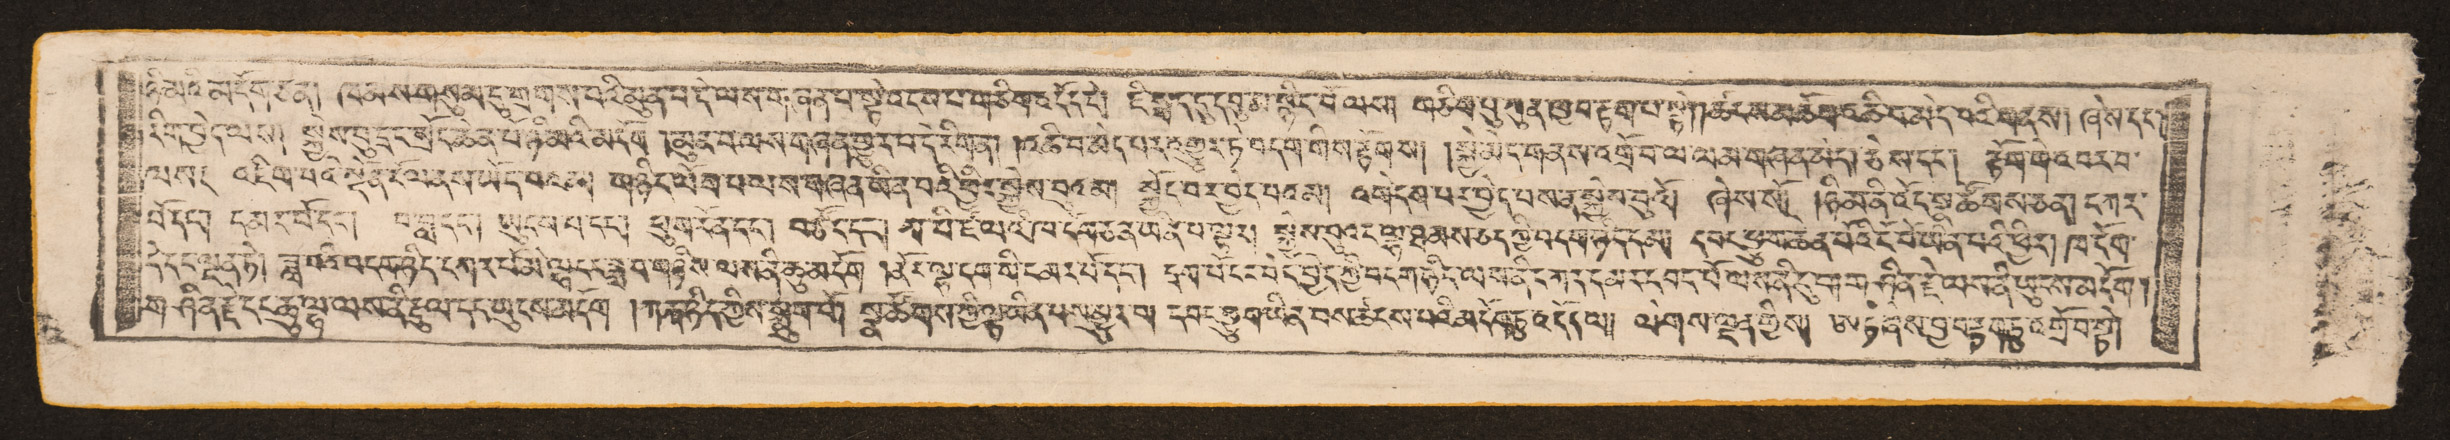ཉི་མའི་མདོག་ཅན། ཁམས་གསུམ་དུ་གྲགས་པའི་མུན་པ་དེ་ལས་གཞན་པ་སྟེ་འདས་པ་གཅིག་འདོད་དེ། ཇི་སྐད་དུ་དབུ་མ་སྙིང་པོ་ལས། གཅིག་བུ་ཀུན་ཁྱབ་རྟག་པ་སྟེ། །ཚངས་མཆོག་འཆི་བ་མེད་པའི་གནས། ཞེས་དང་།
རིག་བྱེད་ལས། སྐྱེས་བུ་དྲང་སྲོང་ཆེན་པོ་ཉི་མའི་མདོག །མུན་པ་ལས་གཞན་གྱུར་པ་དེ་རིག་ན། །འཆི་བ་མེད་པར་འགྱུར་ཏེ་བདག་གིས་རྟོགས། །སྐྱེ་མེད་གནས་འགྲོ་བ་ལ་ལམ་གཞན་མེད། ཅེས་དང་། རྟོག་གེ་འབར་བ་
ལས༑ འཇིག་པའི་སྔོན་རོལ་ནས་ཡོད་པའམ། གཉིད་ལོག་པ་ལས་གཞན་ཡིན་པའི་ཕྱིར་སྐྱེས་བུའམ། སྐྱོང་བར་བྱེད་པའམ། འགེངས་པར་བྱེད་པས་ན་སྐྱེས་བུའོ། ཞེས་སོ། །ཉི་མ་ནི་འོད་སྣ་ཚོགས་ཅན། དཀར་
པོ་དང་། དམར་པོ་དང་། བ་བླ་དང་། ཡུངས་པ་དང་། ཕུག་རོན་དང་། བཙོད་དང་། ཀ་བི་ཛ་ལའི་ཁ་དོག་ཅན་ཡིན་པ་ལྟར། སྐྱེས་བུའང་ལྷ་ཐམས་ཅད་ཀྱི་བདག་ཉིད་དམ། དབང་ཕྱུག་ཆེན་པོའི་ངོ་བོ་ཡིན་པའི་ཕྱིར། ཁ་དོག་
དེ་དང་ལྡན་ཏེ། ཟླ་བའི་བདག་ཉིད་དཀར་པོ་མེ་ལྷ་དང་ཟླ་བ་གཉིས་ལས་ནི་ཆུ་མདོག །ནོར་ལྷ་དག་གི་དམར་པོ་དང་། དྲག་པོ་དང་པོ་དབྱེད་ཀྱི་བདག་ཉིད་ལས་ནི་དཀར་དམར་དབང་པོ་ལས་ནི་དུ་བ། གཤིན་རྗེ་ལས་ནི་ཡུངས་མདོག།
གཤིན་རྗེ་དང་ཆུ་ལྷ་ལས་ནི་རྡུལ་དང་ཡུངས་མདོག །ཀརྐ་ཉིད་ཀྱིས་སྨུག་པོ། སྣ་ཚོགས་ཀྱི་ལྷ་ཡིན་པས་མྱུར་བ། དབང་ཕྱུག་ཡིན་པས་ཚངས་པའི་མདོག་ཏུ་འདོད་ལ། ལེགས་ལྡན་གྱིས། ཨ་ཏི་ཞེས་བྱ་བརྟག་ཏུ་འགྲོ་བ་སྟེ།